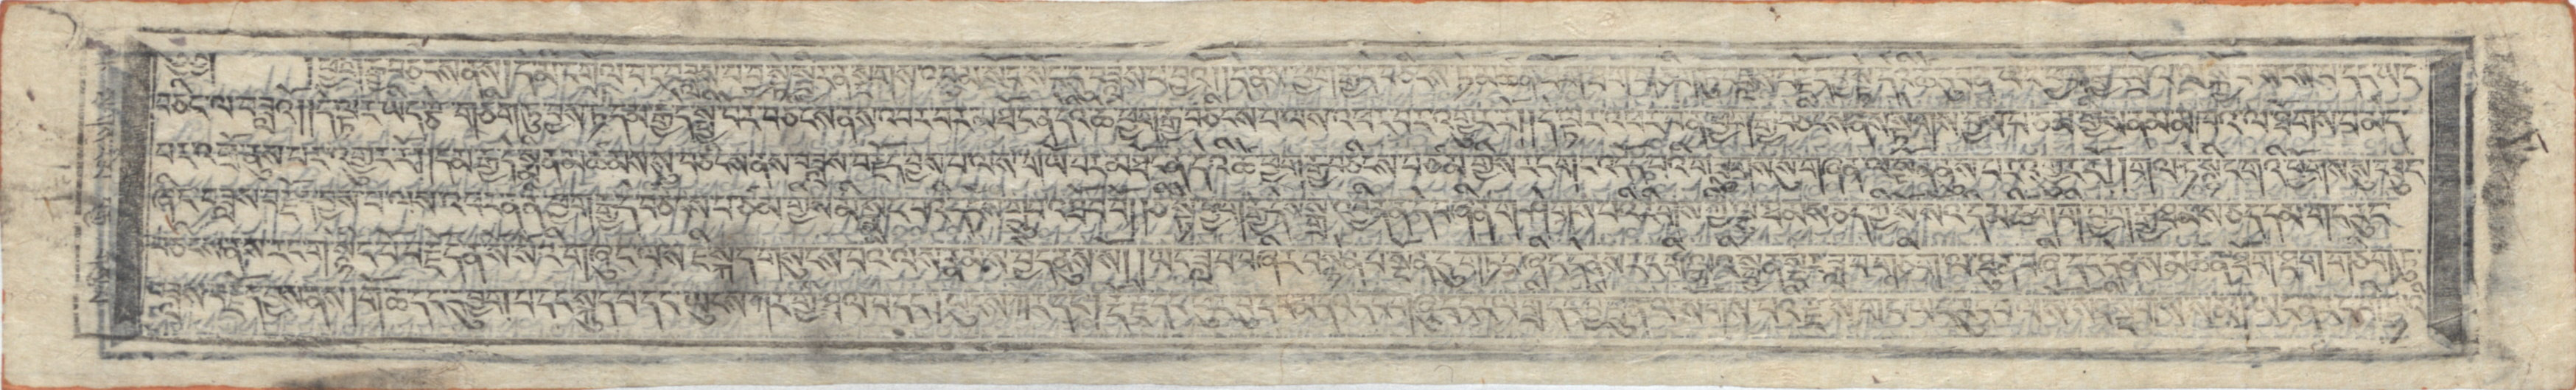༄༅། །ཕྱག་རྒྱ་བཅིངས་ནས། དེ་མི་དགྲོལ་བར་བཟླས་པ་བྱ་སྟེ་སྤྱིར་ན་སྔགས་འབུམ་སོང་སོང་དུ་བཟླས་པ་བྱའོ། །དེ་ནས་ཕྱག་རྒྱ་དེ་བཅིངས་ཏེ་མཚན་ཐོག་ཐག་གཅིག་ཏུ་བཟླས་བརྗོད་བྱ་སྟེ་དེའི་ཚེ་དུབ་ན་ཡང་ཕྱག་རྒྱ་དགྲོལ་ལ་སྐྱོ་བ་སངས་པ་དང་ཡང་
བཅིང་ལ་བཟླའོ། །དེ་ལྟར་ཡིད་རྩེ་གཅིག་ཏུ་བྱས་ཏེ་དམ་རྒྱ་དེ་སྤྱི་བོར་བཅིངས་ནས་འབར་བར་མཐོང་ན་དེའི་ཚེ་ཕྱག་རྒྱ་བཅིངས་པ་ལས་འཕར་བར་འགྱུར་རོ། །དེ་ལྟར་འཕར་བ་ན་ཕྱག་རྒྱ་བཅིངས་ནས་སྟེགས་བྱས་པ་ཙམ་གྱིས་ནམ་མཁའི་ལ་ཐོགས་པ་མེད་
པར་འགྲོ་ནུས་པར་འགྱུར་རོ། །དམ་རྒྱ་དེ་སྨིན་མཚམས་སུ་བཅིངས་ནས་བཟླས་བརྗོད་བྱས་པ་ལས་གཡོ་བར་མཐོང་ན་དེའི་ཚེ་ཕྱག་རྒྱ་བཅིངས་པ་ཙམ་གྱིས་རང་གང་འདོད་པའི་གཟུགས་སུ་གཞན་ལ་སྟོན་ནུས་པར་འགྱུར་རོ། །གལ་ཏེ་སྙིང་གའི་ཕྱོགས་སུ་བཟུང་
ཞིང་བཟླས་བརྗོད་བྱས་པ་ལས་འཕར་ན་ནི་ཕྱག་རྒྱ་དེ་བཅིངས་པ་ཙམ་གྱིས་མི་སྣང་བའི་དངོས་གྲུབ་འཐོབ་བོ། །ཅི་སྟེ་ཕྱག་རྒྱ་དེས་སྒྲ་འབྱིན་ན་དེ་བཞིན་གཤེགས་པའི་རིགས་ཀྱི་ལྷ་ཐམས་ཅད་ཀྱི་སོ་སོའི་དམ་ཚིག་གི་ཕྱག་རྒྱ་ཐམས་ཅད་དམ་གང་རུང་
བཅིངས་ནས་རང་གི་སྙིང་པོ་བརྗོད་ན་སོ་སོའི་གཞུང་ལས་ཇི་སྐད་གསུངས་པའི་ལས་རྣམས་བྱེད་ནུས་སོ། །ཡང་ཟླ་བ་བཞིར་བསྙེན་པ་སྔོན་དུ་གཏང་ཞིང་དེ་ནས་རང་གི་ལྷའི་སྤྱན་སྔར་ཟླ་བ་གཅིག་ལ་ཐུན་བཞི་དང་དེ་ནས་མཚན་ཐོག་ཐག་གཅིག་ཏུ་
བཟླས་བརྗོད་བྱས་ནས། གོ་ཆ་དང་དབྱུག་པ་དང་སྐུད་པ་དང་ཡུངས་ཀར་གྱི་ཐལ་བ་དང་། ཡུངས་ཀར་དང་། རྡོ་རྗེ་དང་ཕུར་བུ་དང་མདའ་དང་གཞུ་དང་རལ་གྲི་དང་བྱི་བྲུན་ལ་སོགས་པའི་རྫས་གང་ཡང་རུང་བ་ལ་སོ་སོའི་སྡིགས་སམ། ཡང་ན་རང་གི་ལྷའི་